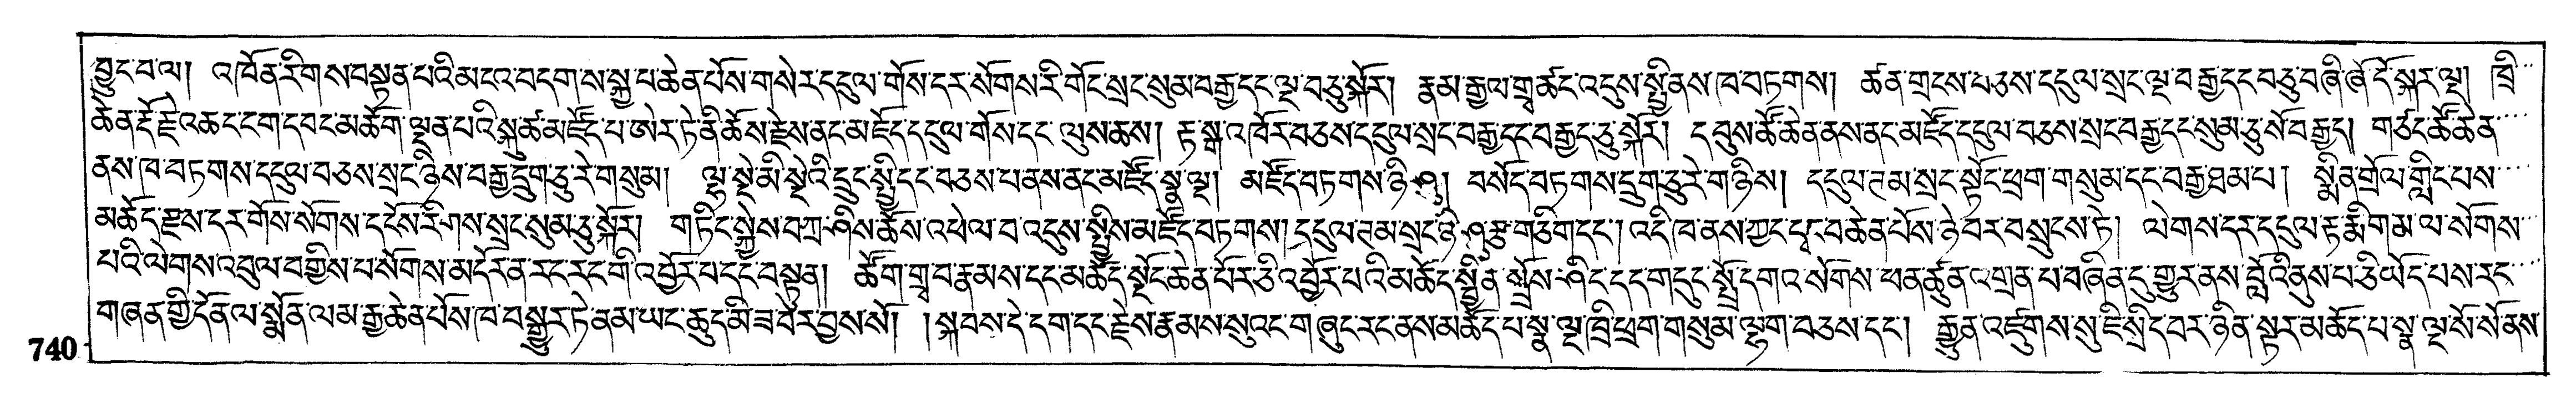བྱུང་བ་ལ། འཁོན་རིགས་བསྟན་པའི་མངའ་བདག་ས་སྐྱ་པ་ཆེན་པོས་གསེར་དངུལ་གོས་དར་སོགས་རི་གོང་སྲང་སུམ་བརྒྱ་དང་ལྔ་བཅུ་སྐོར། རྣམ་རྒྱལ་གྲྭ་ཚང་འདུས་སྦྱི་ནས་ཁ་བཏགས། ཚན་གྲངས་བཅས་དངུལ་སྲང་ལྔ་བརྒྱ་དང་བཅུ་བཞི་ཞོ་དོ་སྐར་ལྔ། ཁྲི་
ཆེན་རྡོ་རྗེ་འཆང་ངག་དབང་མཆོག་ལྡན་པའི་སྐུ་ཚ་མཛོད་པ་ཨེར་ཏེ་ནི་ཆོས་རྗེས་ནང་མཛོད་དངུལ་གོས་དར་ལུས་ཆས། རྟ་སྒ་འཁོར་བཅས་དངུལ་སྲང་བརྒྱ་དང་བརྒྱད་ཅུ་སྐོར། དབུས་ཚོ་ཆེན་ནས་ནང་མཛོད་དངུལ་བཅས་སྲང་བརྒྱ་དང་སུམ་ཅུ་སོ་བརྒྱད། གཙང་ཚོ་ཆེན་
ནས་ཁ་བཏགས་དངུལ་བཅས་སྲང་ཉིས་བརྒྱ་དྲུག་ཅུ་རེ་གསུམ། ལྷ་སྡེ་མི་སྡེའི་དྲུང་སྤྱི་དང་བཅས་པ་ནས་ནང་མཛོད་སྣ་ལྔ། མཛོད་བཏགས་ཉི་ཤུ། བསོད་བཏགས་དྲུག་ཅུ་རེ་གཉིས། དངུལ་ཊམ་སྲང་སྟོང་ཕྲག་གསུམ་དང་བརྒྱ་ཐམ་པ། སྨིན་གྲོལ་གླིང་པས་
མཆོད་རྫས་དར་གོས་སོགས་དངོས་རིགས་སྲང་སུམ་ཅུ་སྐོར། གཏིང་སྐྱེས་བཀྲ་ཤིས་ཆོས་འཕེལ་བ་འདུས་སྦྱིས་མཛོད་བཏགས། དངུལ་ཊམ་སྲང་ཉི་ཤུ་རྩ་གཅིག་དང་། འདི་ཁ་ནས་ཀྱང་དྭང་བ་ཆེན་པོས་ཉེ་བར་བསླངས་ཏེ། ལེགས་དར་དངུལ་རྟ་རྨིག་མ་ལ་སོགས་
པའི་ལེགས་འབུལ་བགྱིས་བ་སོགས་མདོར་ན་རང་རང་གི་འབྱོར་བ་དང་བསྟུན། ཆོག་གྲྭ་བ་རྣམས་དང་མཆོད་སྡོང་ཆེན་པོར་ཅི་འབྱོར་པའི་མཆོད་སྤྲིན་སྤྲོས་ཤིང་དད་གདུང་སྤྲོ་དགའ་སོགས་ཕན་ཚུན་འགྲན་པ་བཞིན་དུ་གྱུར་ནས་བློའི་ནུས་པ་ཅི་ཡོད་པས་རང་
གཞན་གྱི་དོན་ལ་སྨོན་ལམ་རྒྱ་ཆེན་པོས་ཁ་བསྒྱུར་ཏེ་ནམ་ཡང་ཆུད་མི་ཟ་བར་བྱས་སོ། །སྐབས་དེ་དག་དང་རྗེས་རྣམས་སུའང་གཞུང་རང་ནས་མཆོད་པ་སྣ་ལྔ་ཁྲི་ཕྲག་གསུམ་ལྷག་བཅས་དང་། རྒྱུན་འཛུགས་སུ་ཇི་སྲིད་བར་ཉིན་སྟར་མཆོད་པ་སྣ་ལྔ་སོ་སོ་ནས་